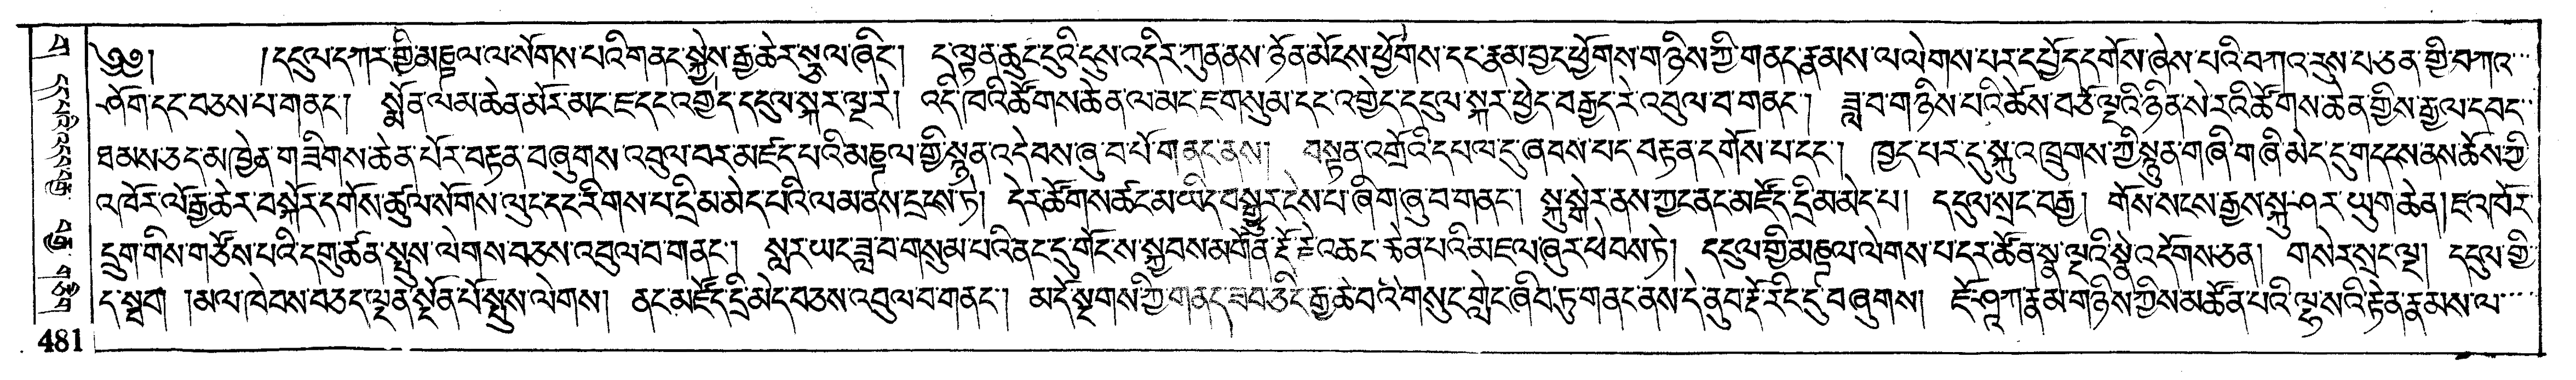༄༅། །དངུལ་དཀར་གྱི་མཎྜལ་ལ་སོགས་པའི་གནང་སྐྱེས་རྒྱ་ཆེར་སྩལ་ཞིང་། ད་ལྟ་ན་ཆུང་དུའི་དུས་འདིར་ཀུན་ནས་ཉོན་མོངས་ཕྱོགས་དང་རྣམ་བྱང་ཕྱོགས་གཉིས་ཀྱི་གནད་རྣམས་ལ་ལེགས་པར་དཔྱོད་དགོས་ཞེས་པའི་བཀའ་རུས་པ་ཅན་གྱི་བཀའ་
ཤོག་དང་བཅས་པ་གནང་། སྨོན་ལམ་ཆེན་མོར་མང་ཇ་དང་འགྱེད་དངུལ་སྐར་ལྔ་རེ། འདི་ཁའི་ཚོགས་ཆེན་ལ་མང་ཇ་གསུམ་དང་འགྱེད་དངུལ་སྐར་ཕྱེད་བརྒྱད་རེ་འབུལ་བ་གནང་། ཟླ་བ་གཉིས་པའི་ཚེས་བཅོ་ལྔའི་ཉིན་སེ་རའི་ཚོགས་ཆེན་གྱིས་རྒྱལ་དབང་
ཐམས་ཅད་མཁྱེན་གཟིགས་ཆེན་པོར་བརྟན་བཞུགས་འབུལ་བར་མཛད་པའི་མཎྜལ་གྱི་སྙན་འདེབས་ཞུ་བ་པོ་གནང་ནས། བསྟན་འགྲོའི་དཔལ་དུ་ཞབས་པད་བརྟན་དགོས་པ་དང་། ཁྱད་པར་དུ་སྐུ་འཁྲུགས་ཀྱི་སྙུན་གཞི་གཞི་མེད་དུ་གདངས་ནས་ཆོས་ཀྱི་
འཁོར་ལོ་རྒྱ་ཆེར་བསྐོར་དགོས་ཚུལ་སོགས་ལུང་དང་རིགས་པ་དྲི་མ་མེད་པའི་ལམ་ནས་དྲངས་ཏེ། དེར་ཚོགས་ཚང་མ་ཡིད་བསྒྱུར་ངེས་པ་ཞིག་ཞུ་བ་གནང་། སྐུ་སྒེར་ནས་ཀྱང་ནང་མཛོད་དྲི་མ་མེད་པ། དངུལ་སྲང་བརྒྱ། གོས་སངས་རྒྱས་སྐུ་ཤམ་ཡུག་ཆེན། ཇ་འཁོར་
དྲུག་གིས་གཙོས་པའི་དགུ་ཚན་སྤུས་ལེགས་བཅས་འབུལ་བ་གནང་། སླར་ཡང་ཟླ་བ་གསུམ་པའི་ནང་དུ་གོང་ས་སྐྱབས་མགོན་རྡོ་རྗེ་འཆང་ཆེན་པོའི་མཇལ་ཞུར་ཕེབས་ཏེ། དངུལ་གྱི་མཎྜལ་ལེགས་བ་དར་ཚོན་སྣ་ལྔའི་སྣེ་འདོགས་ཅན། གསེར་སྲང་ལྔ། དངུལ་གྱི་
ད་སྦག །མལ་ཁེབས་བཅད་ལྡན་སྔོན་པོ་སྤུས་ལེགས། ནང་མཛོད་དྲི་མེད་བཅས་འབུལ་བ་གནང་། མདོ་སྔགས་ཀྱི་གནད་ཟབ་ཅིང་རྒྱ་ཆེ་བའི་གསུང་གླེང་ཞིབ་ཏུ་གནང་ནས་དེ་ནུབ་རྡོ་རིང་དུ་བཞུགས། ཇོ་ཤཱཀ་རྣམ་གཉིས་ཀྱིས་མཚོན་པའི་ལྷ་སའི་རྟེན་རྣམས་ལ་